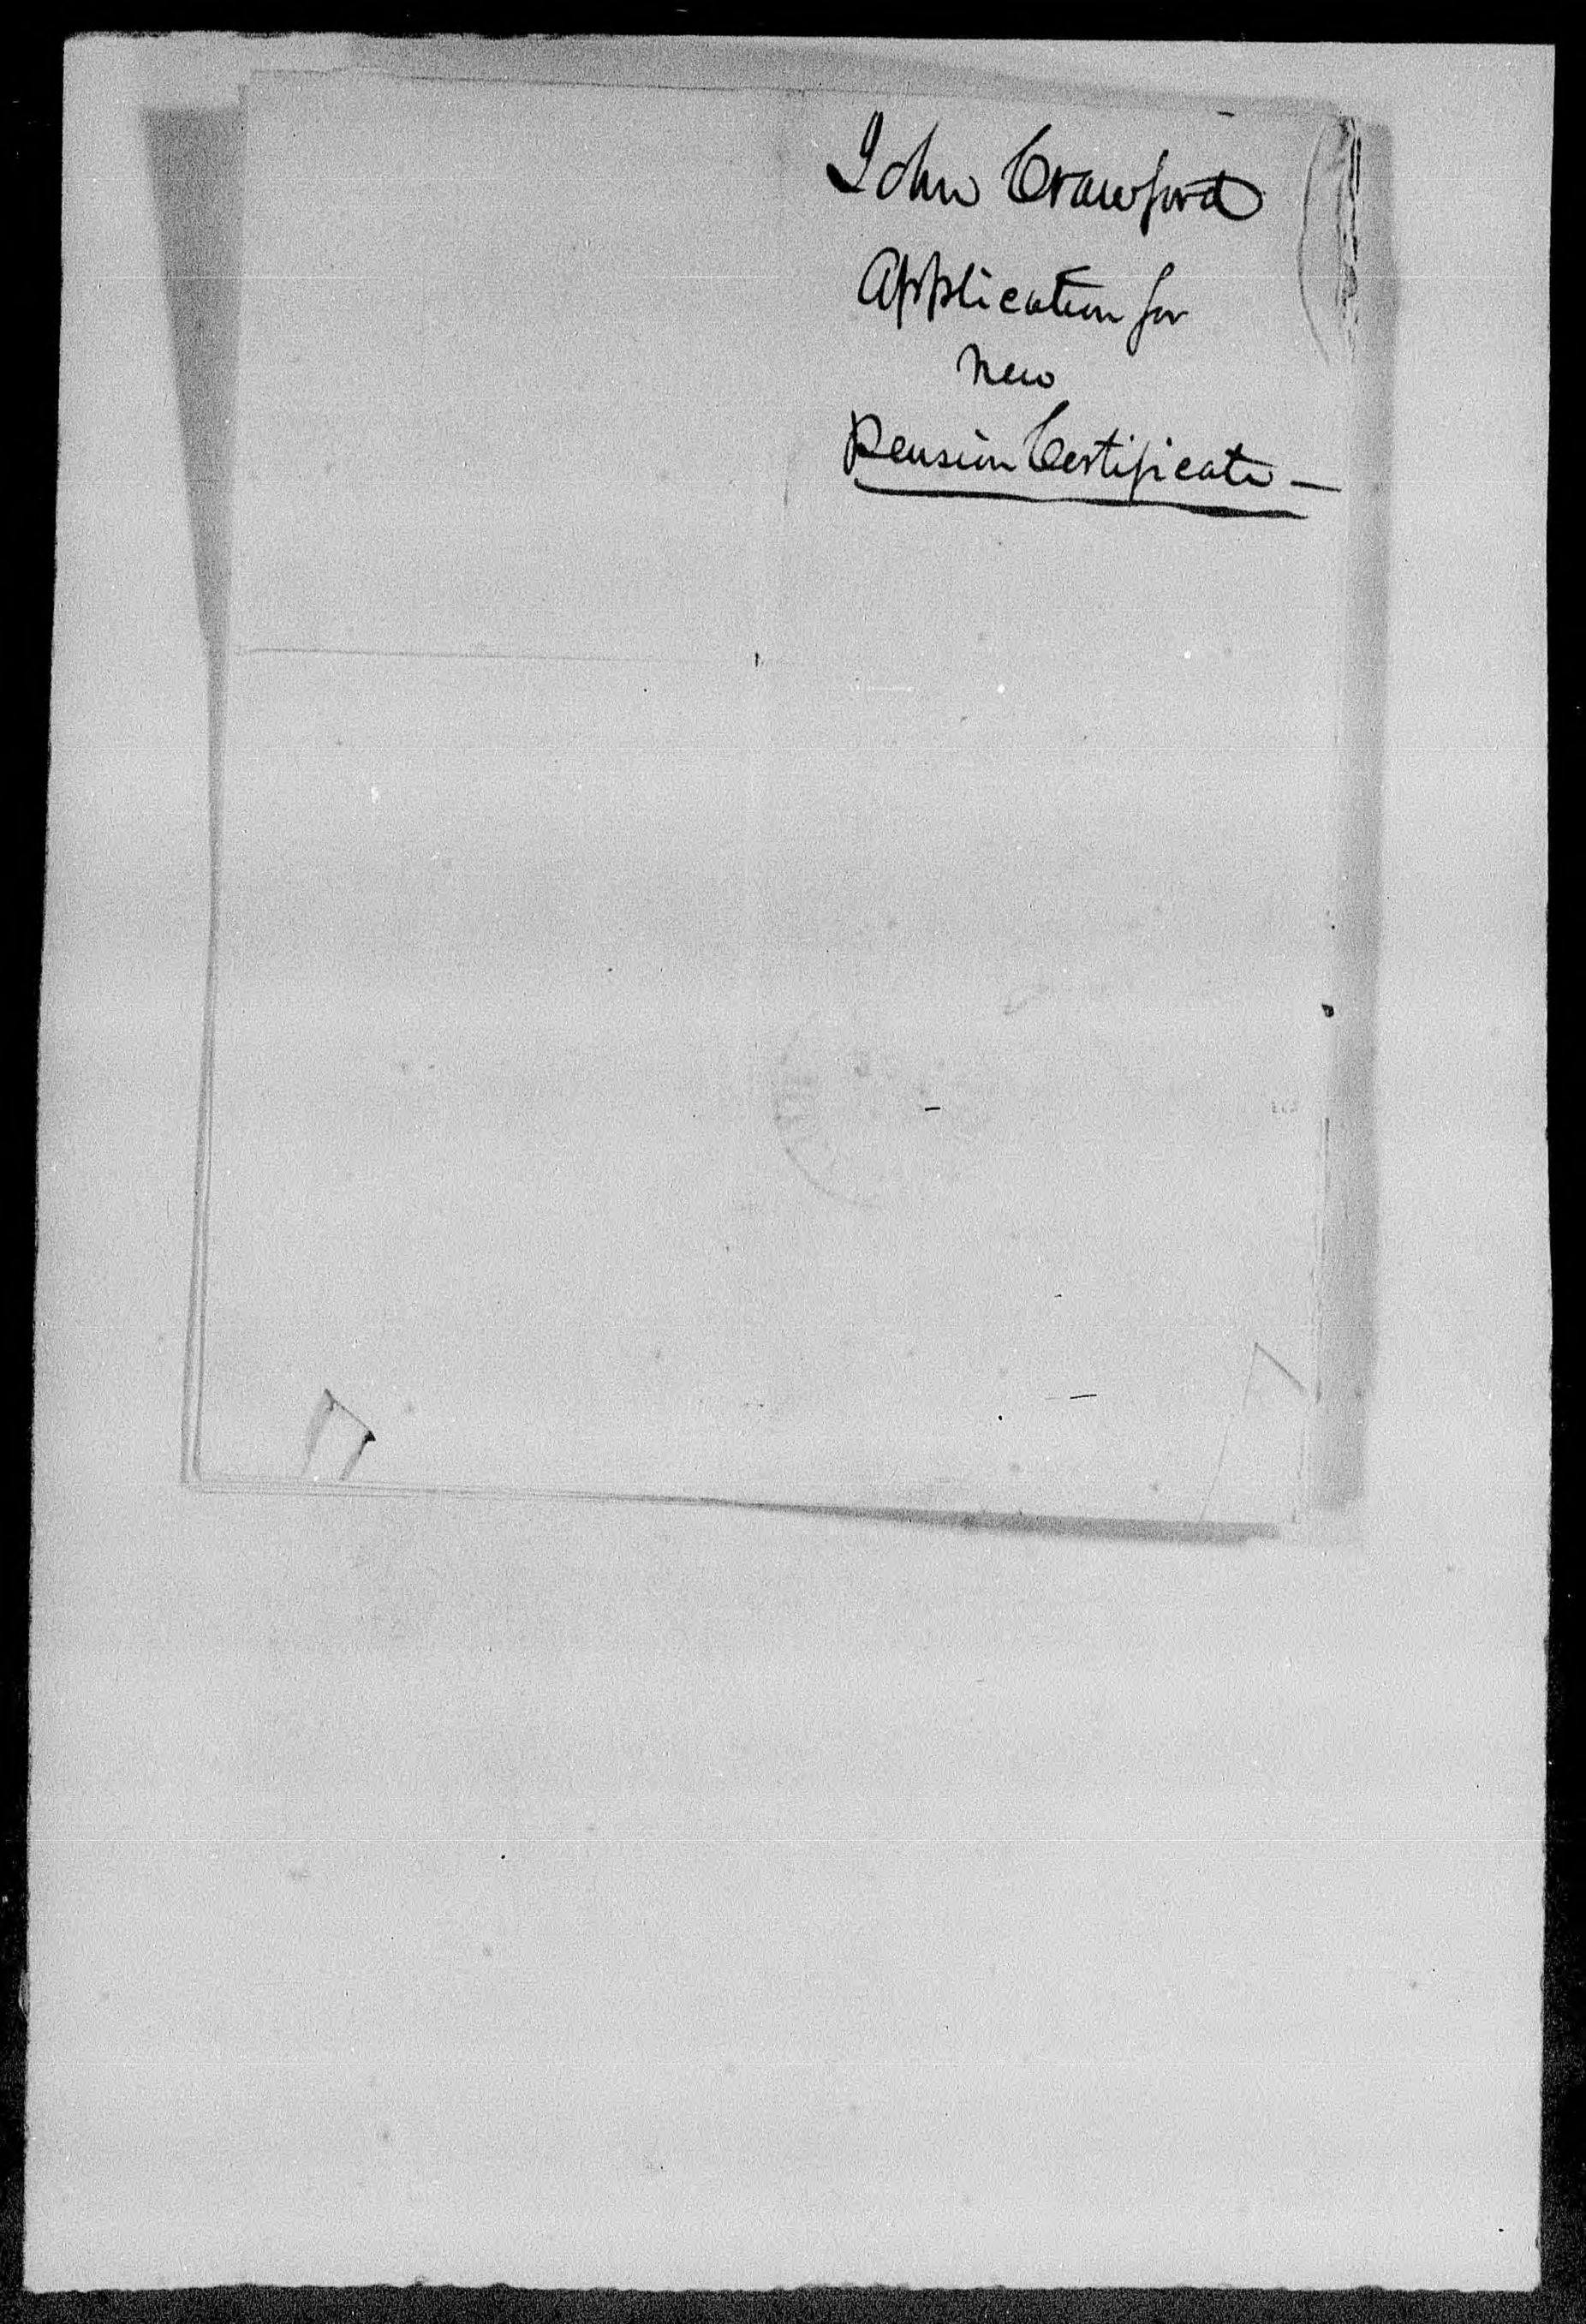John Crawford
Application for 
new 
Pension Certificate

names: John Crawford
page: 19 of 80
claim: widow's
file: W 2070, John Crawford, Penn.